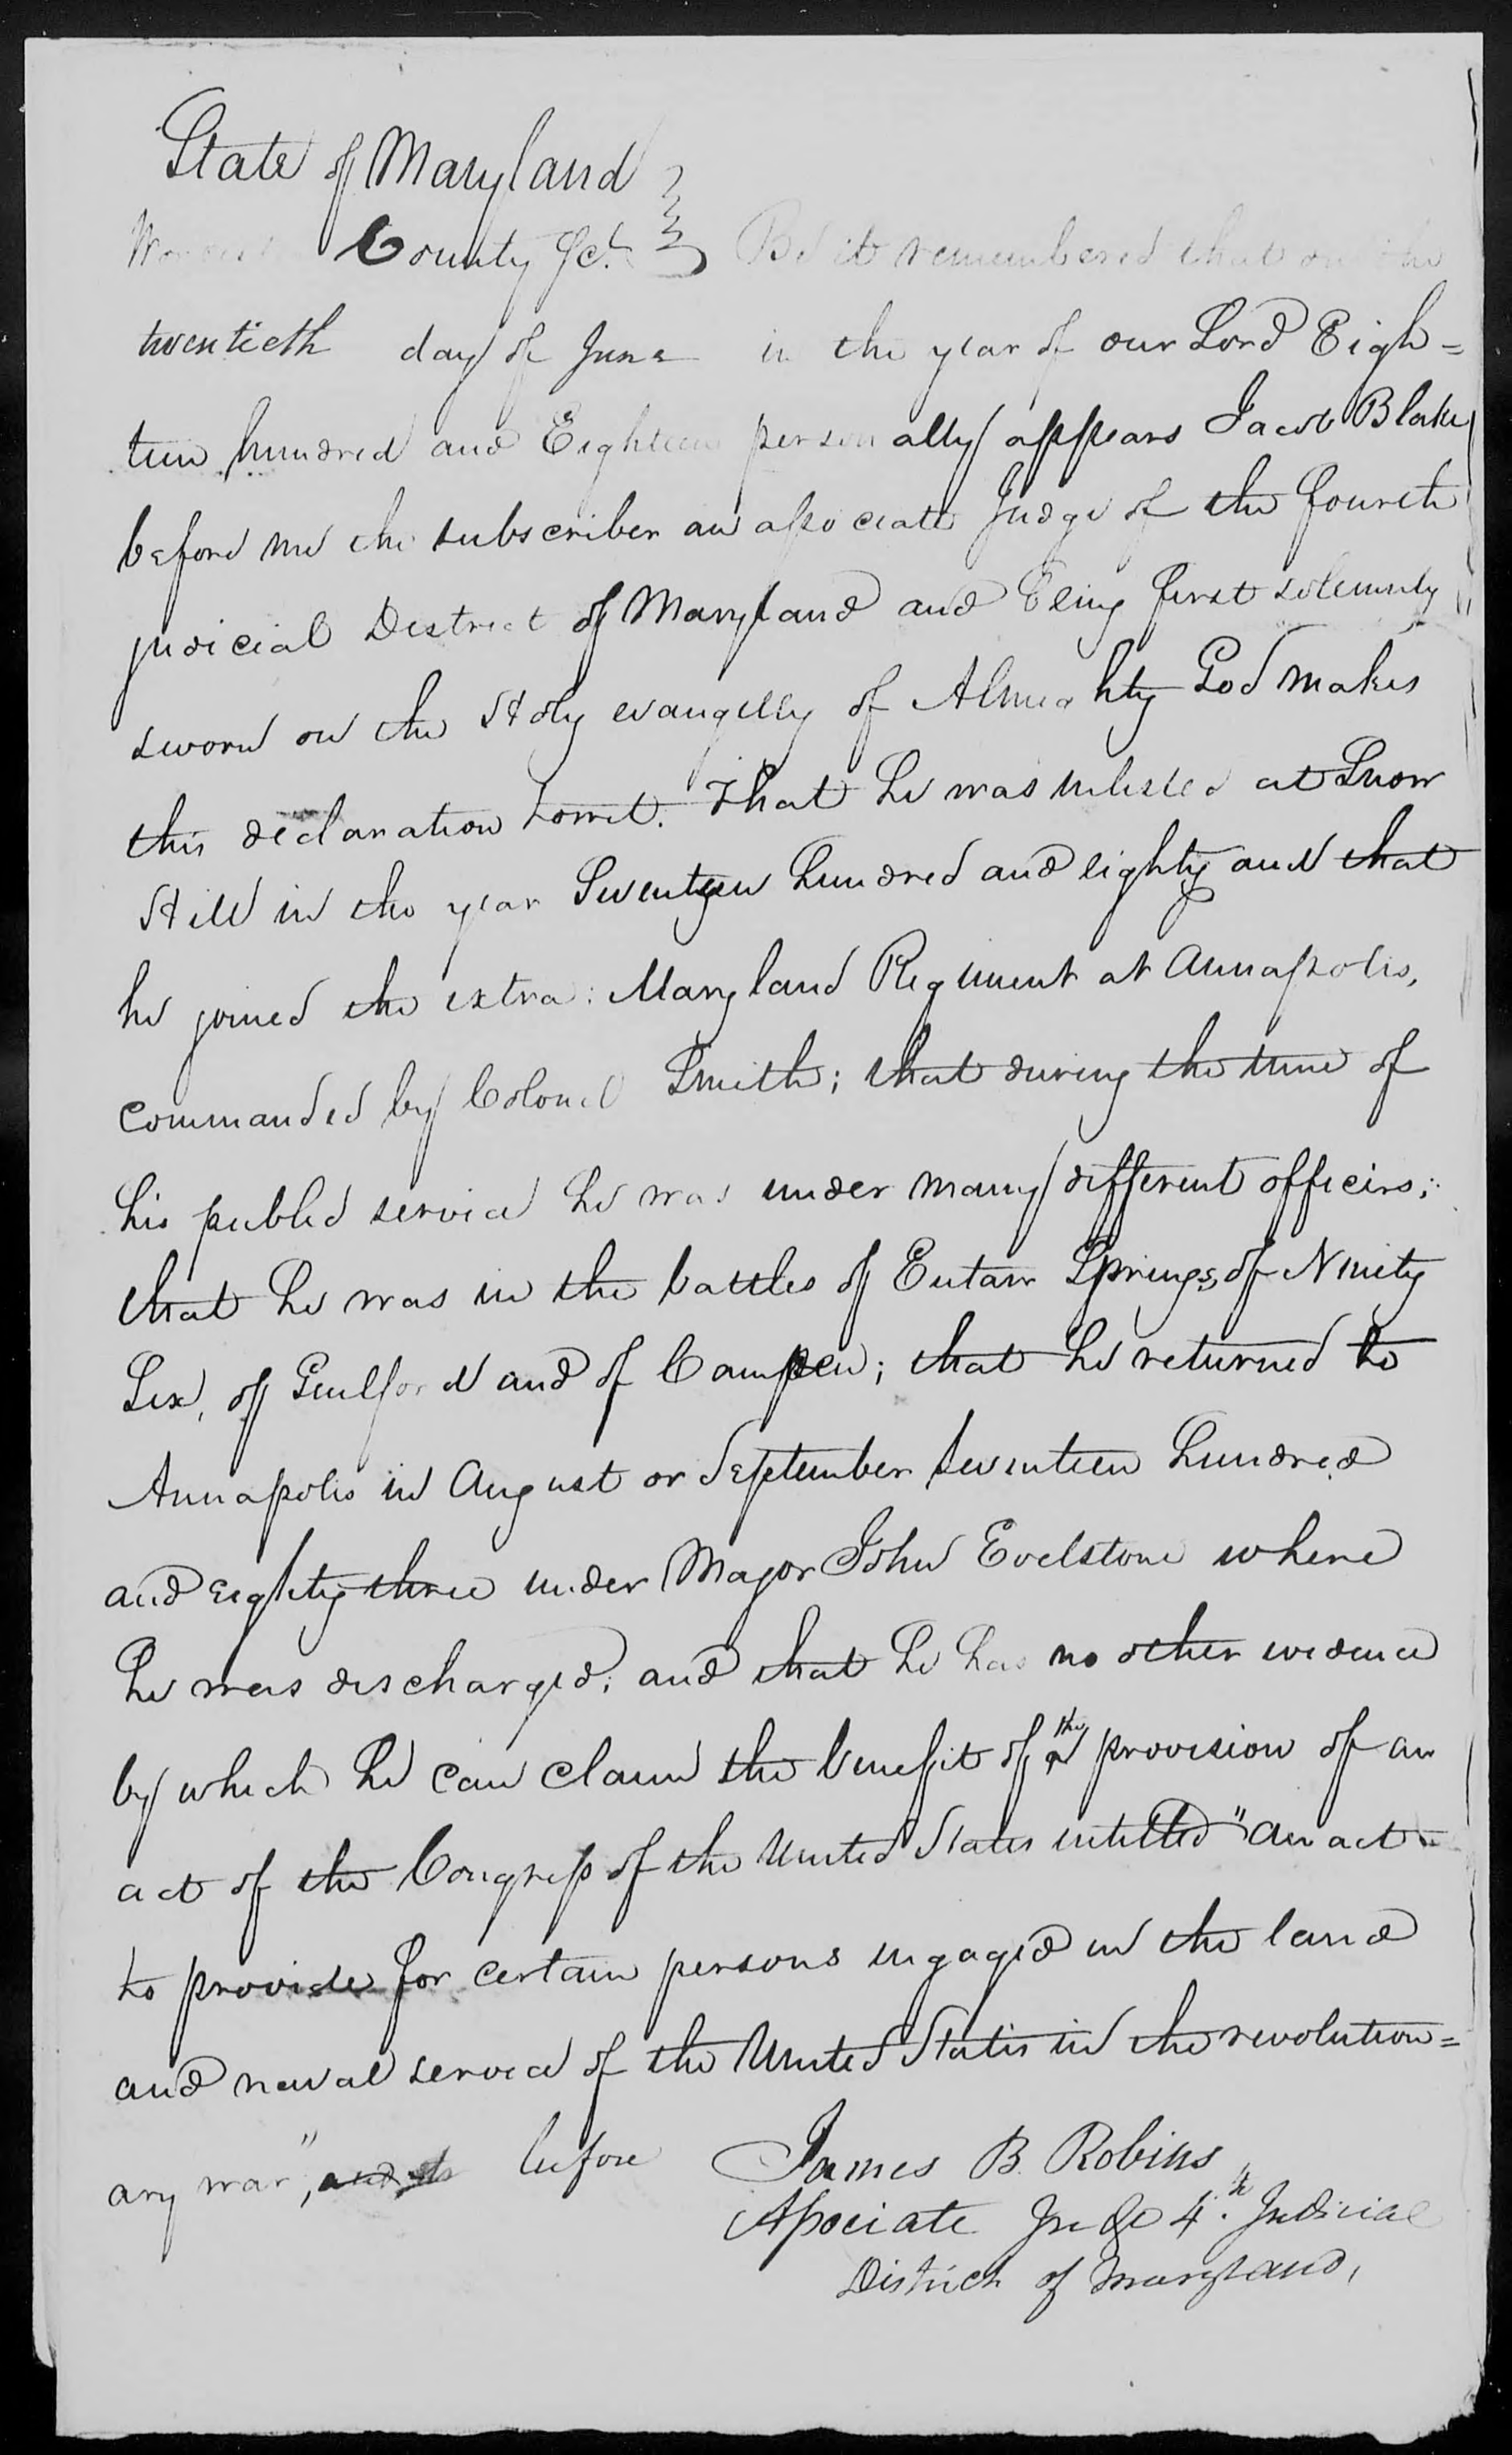State of Maryland
Worcester County 

Be it remembered that on the twentieth day of June in the year of our Lord Eighteen Hundred and Eighteen personally appeared Jacob Blake before me the subscriber an associate Judge in the Fourth Judicial District of Maryland and being first solemnly sworn on the said day and year [illegible] of Almighty God makes this declaration to wit. That he was enlisted at Snow Hill in the year seventeen hundred and eighty and that he joined the extra Maryland Regiment at Annapolis commanded by Colonel Smith; that during this time of his public servicehe was under many different officers that he was in the Battles of Eutaw Springs of Ninety Six, of Guilford and of Campew; that he returned to Annapolis in August or September seventeen hundred and eighty-three under Major John Evelstone where he was discharged, and that he has no other evidence by which he can claim the benefit of the provision of an act of the Congress of the United States entitled 'an act to provide for certain persons engaged in the land and naval service of the United States in the revolutionary war' before

James B Robins
Associate Judge 4th Judicial District of Maryland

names: James B Robins, Jacob Blake, John Evelstone, Smith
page: 4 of 18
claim: survivor's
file: S. 34654, Jacob Blake, Md.